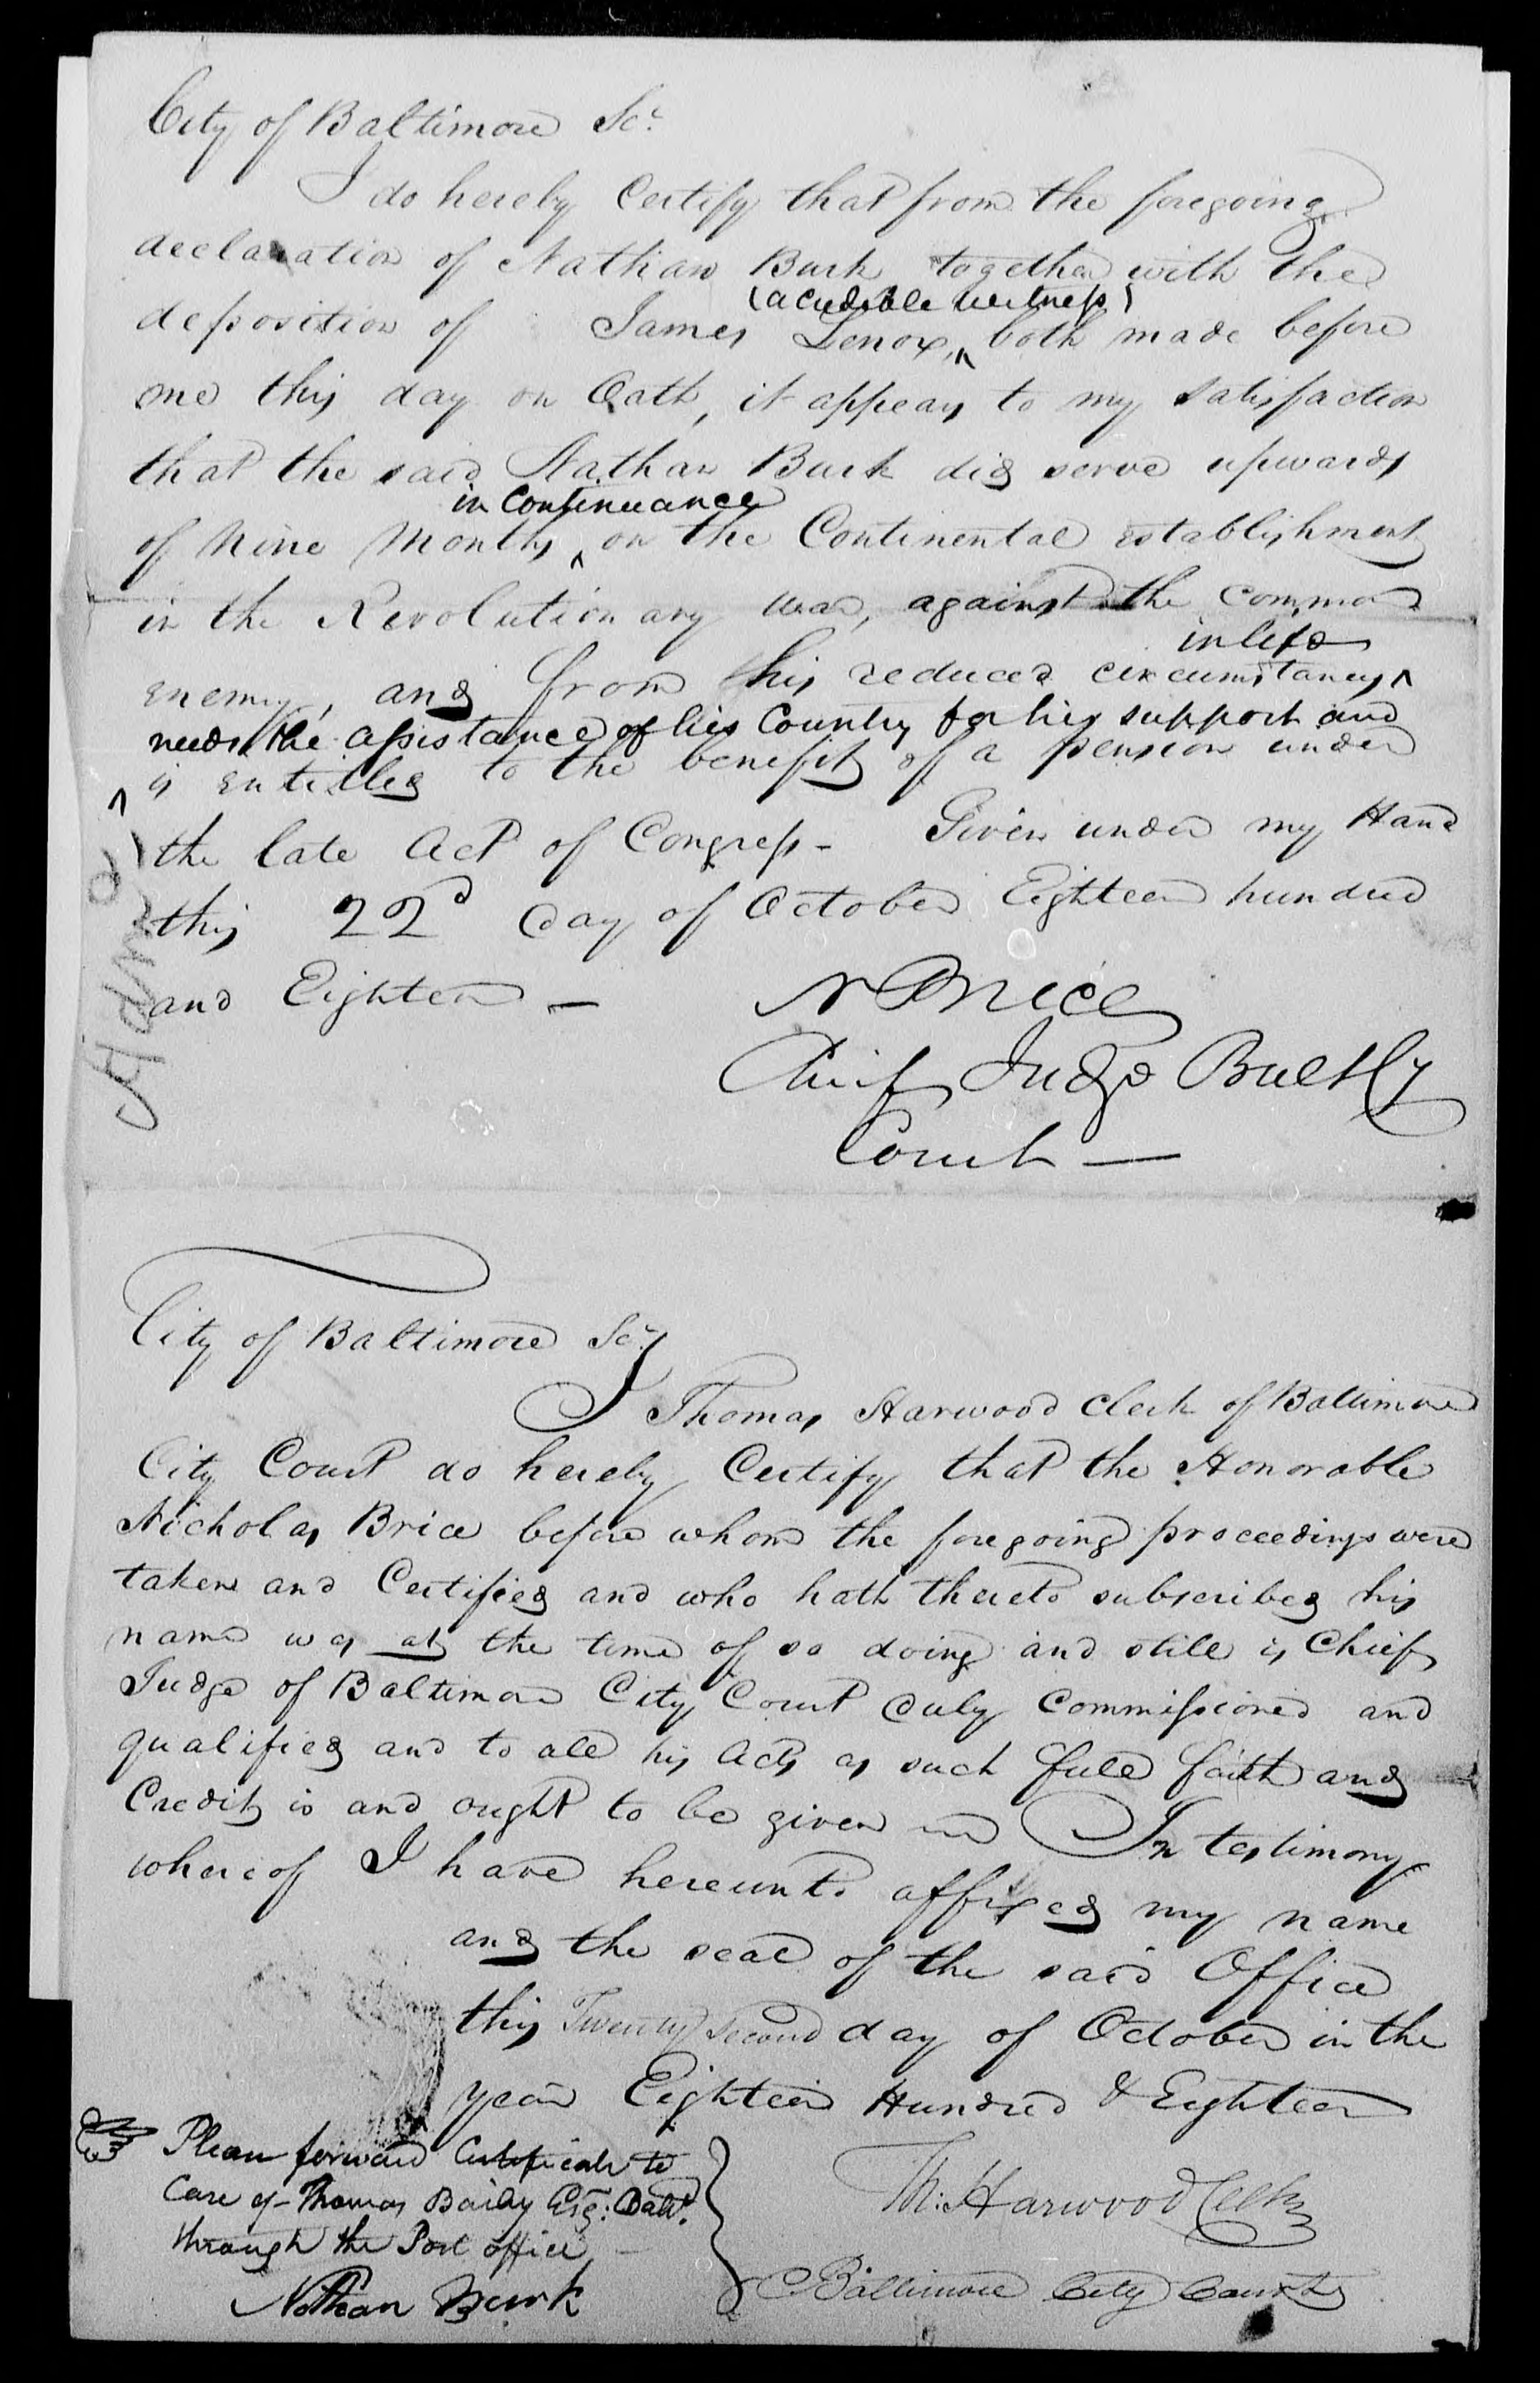City of Baltimore S.
I do hereb y certify that from the foregoing declaration of Nathan Burk together with teht depositions of James Lenox, a credible witness, both made before me this day on Oath, it appears to my satisfaction that the said Nathan Burk did serve upwards of nine months in continuance on the Continental establishment in the Revoutionary War, against the common enemy, and from his reduced circumstances in life needs the assistance of his country for his support and is entitled to the benefits of a pension under the late Act of Congress - Given under my Hand this 22nd day of October Eighteen hundred and Eighteen - 
N Price
Chief Judge Bailey
Court

City of Baltimore S.
I Thomas Harwood Clerk of Baltimore City Court do hereby Certify that the Honorable Nicholas Brice before whom the foregoing proceeedings were taken and certified and who hath thereto subscribing his name was at the time of so doing and still is Chief Judge of Baltimore City Court duly Commissioned and qualified and to all his Acts as such full faith and Credit is and ought to be given in testimony whereof I have hereunto affixed my name and the seal of the said Office this Twenty second day of October in the year Eighteen Hundred and Eighteen
Th. Harwood Clerk
Baltimore City Courts
Please forward certificate to care of - Thomas Bailey Esq. through the post office Nathan Burk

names: James Lenox, Nicholas Brice, Nathan Burk, Thomas Bailey, Nathan Burk, N Brice, Nathan Burk, Thomas Howard, Th Harwood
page: 6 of 20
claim: survivor's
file: S. 34674, Nathan Burk, Md.